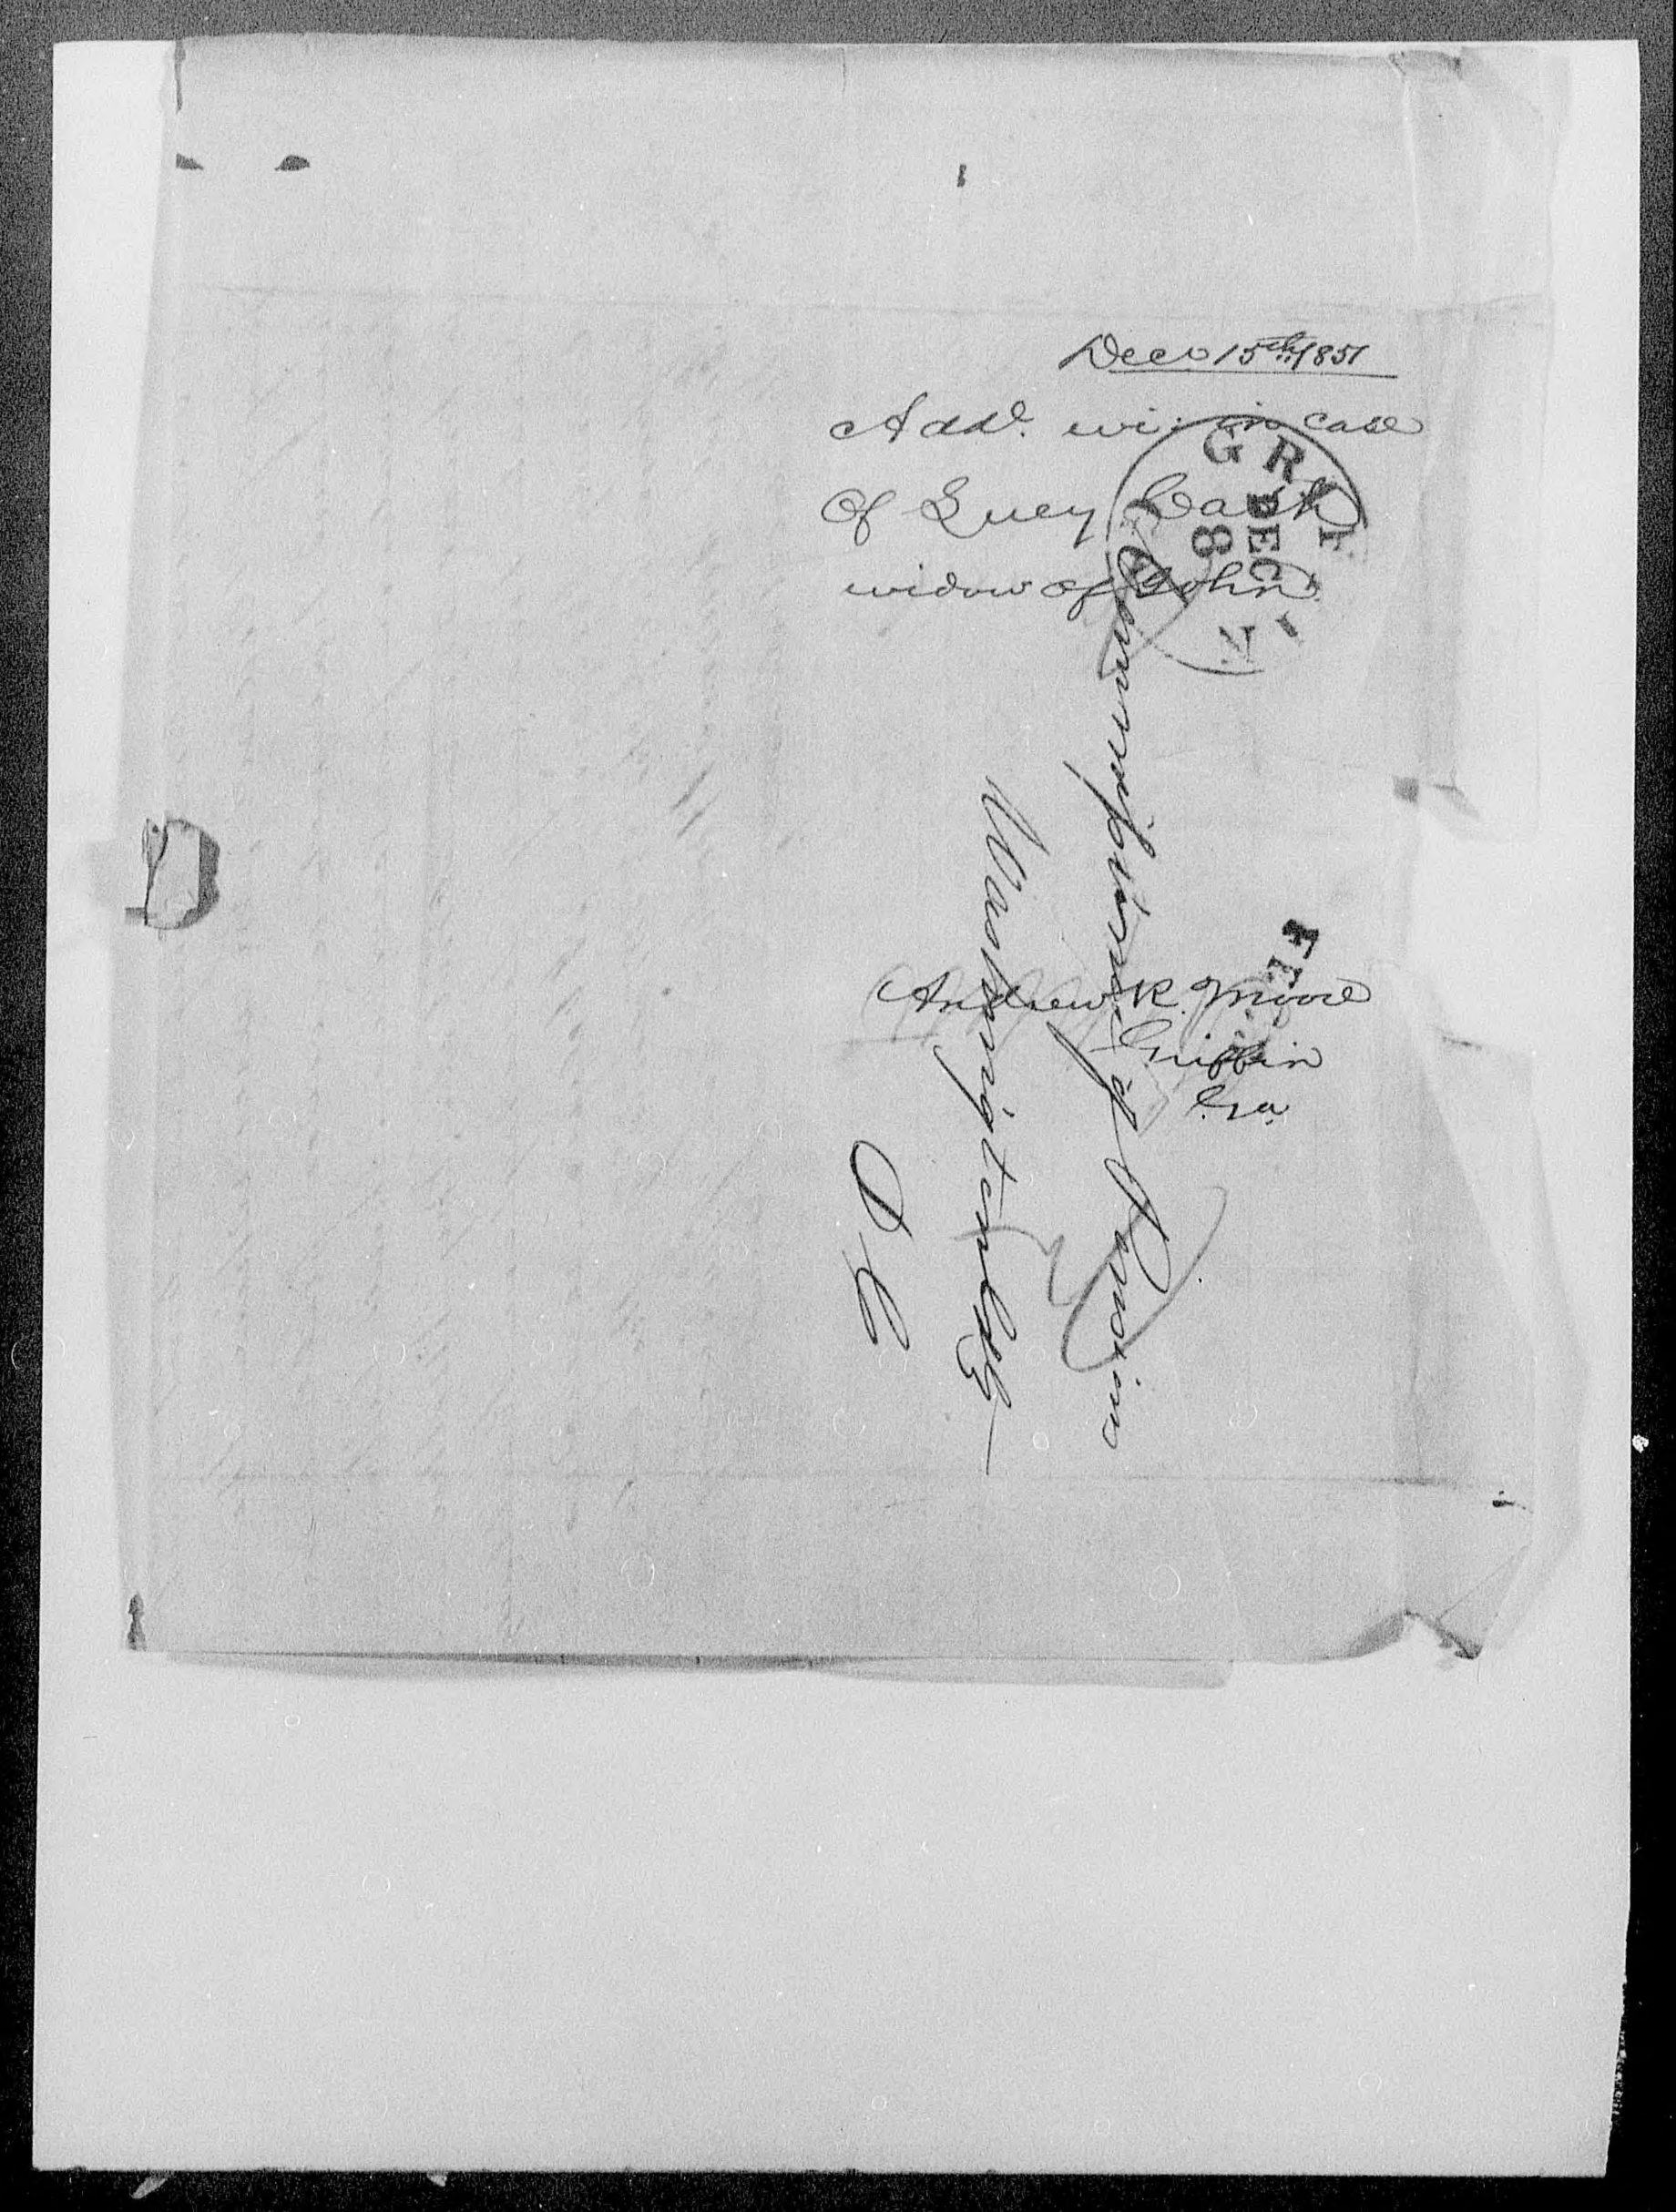Dec 15th 1857
And if in case
of Lucy
Cash
widow of John

Andrew R. Moore
Gribbin
Ga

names: Andrew R Moore, Lucy Cash, John Cash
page: 59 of 73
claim: widow's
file: W. 5,894, John Cash, Va.